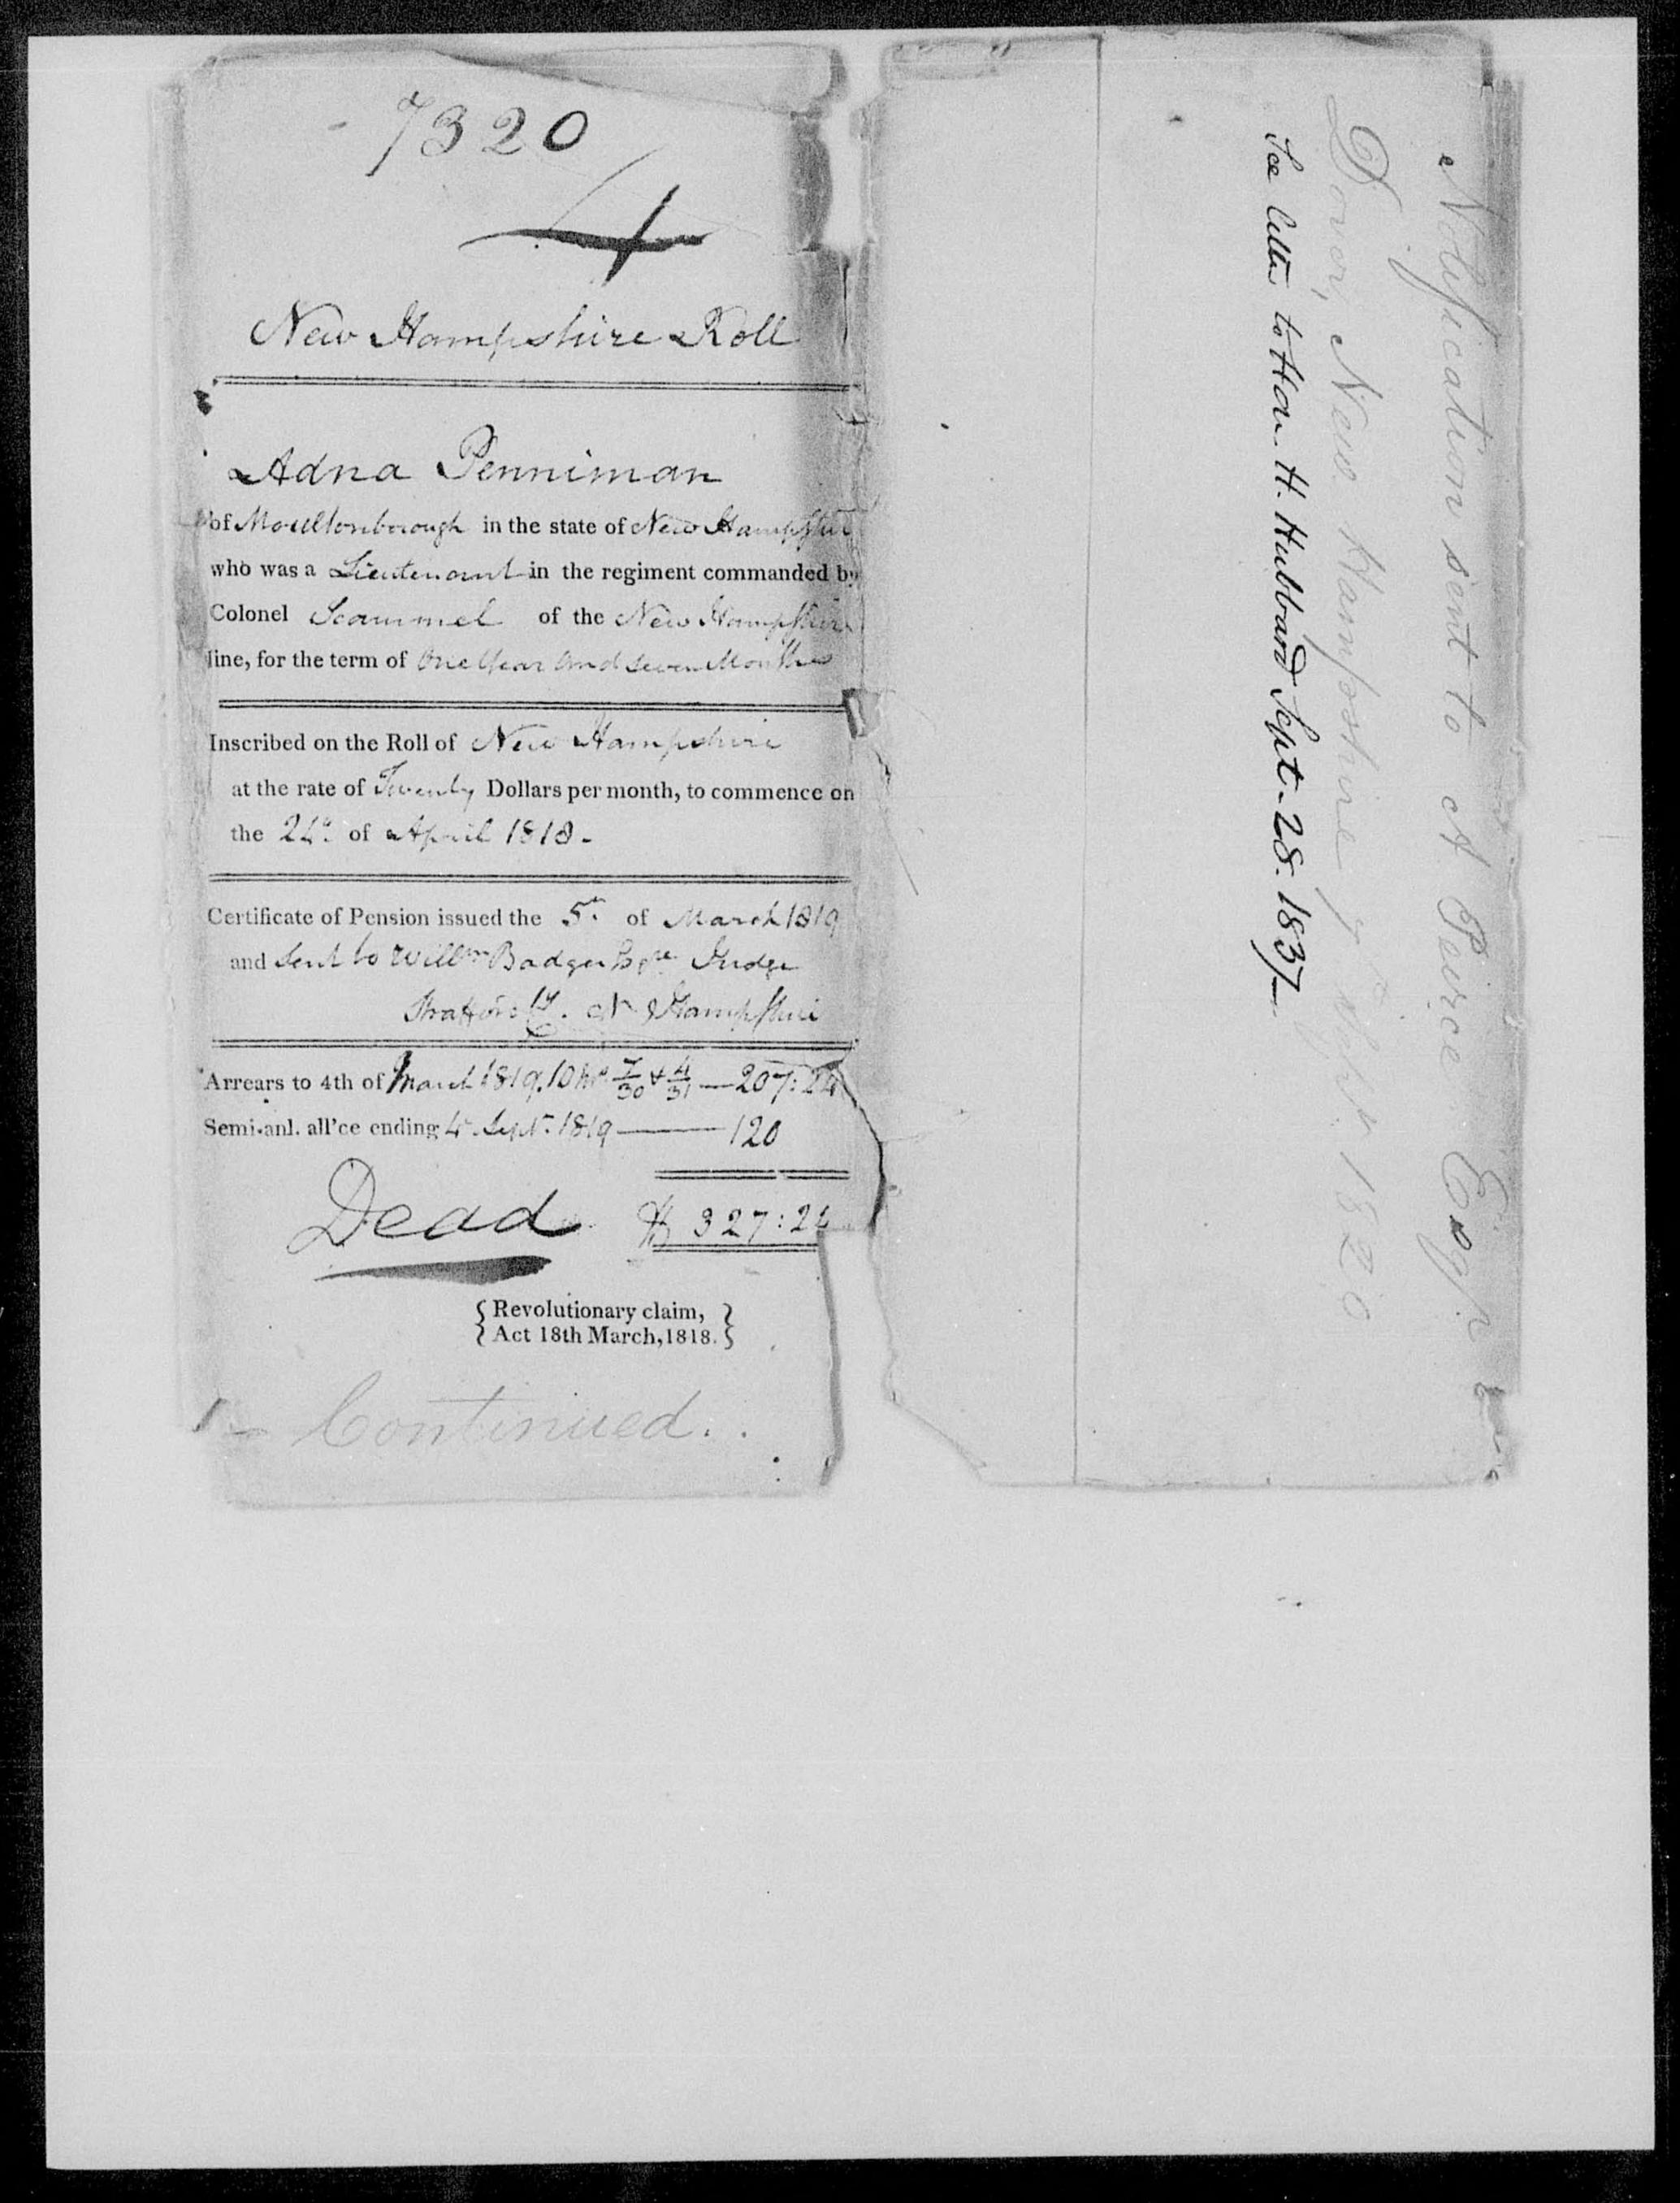7320
New Hampshire Roll
Adna Penniman
of Moultonborough in the state of New Hampshire
who was a Lieutenant in the regiment commanded by
Colonel [Scammel?] of the New Hampshire
line, for the term of one year and seven months.

===================================

Inscribed on the Roll of New Hampshire
at the rate of Twenty Dollars per month, to commence on 
the 24th of April 1818.

===================================

Certificate of Pension issued the 5 of March 1819
and sent to William Badger [illegible] Judge
[illegible] New Hampshire

===================================

Arrears to 4th of March 1819. 10 [illegible] 7/30 + 4/31 -- 207.24
Semi.anl all'ce ending 4 Sept 1819 --------120
                                                          ==========
                                                               $327.24
                                                           ==========
Dead

{Revolutionary claim,}
{Act 18th March, 1818.}
                            Continued


Notification sent to A. Peirce, Esq.
Dover, New Hampshire 7 Sept 1820
Lee [Cutter?] to Hon. H. Hubbard Sept. 28, 1837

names: A Peirce; Adna Penniman; Willm Badger; H Hubbard; [BLANK] Scammel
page: 2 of 13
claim: survivor's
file: S. 45065, for Adna Penniman, Massachusetts